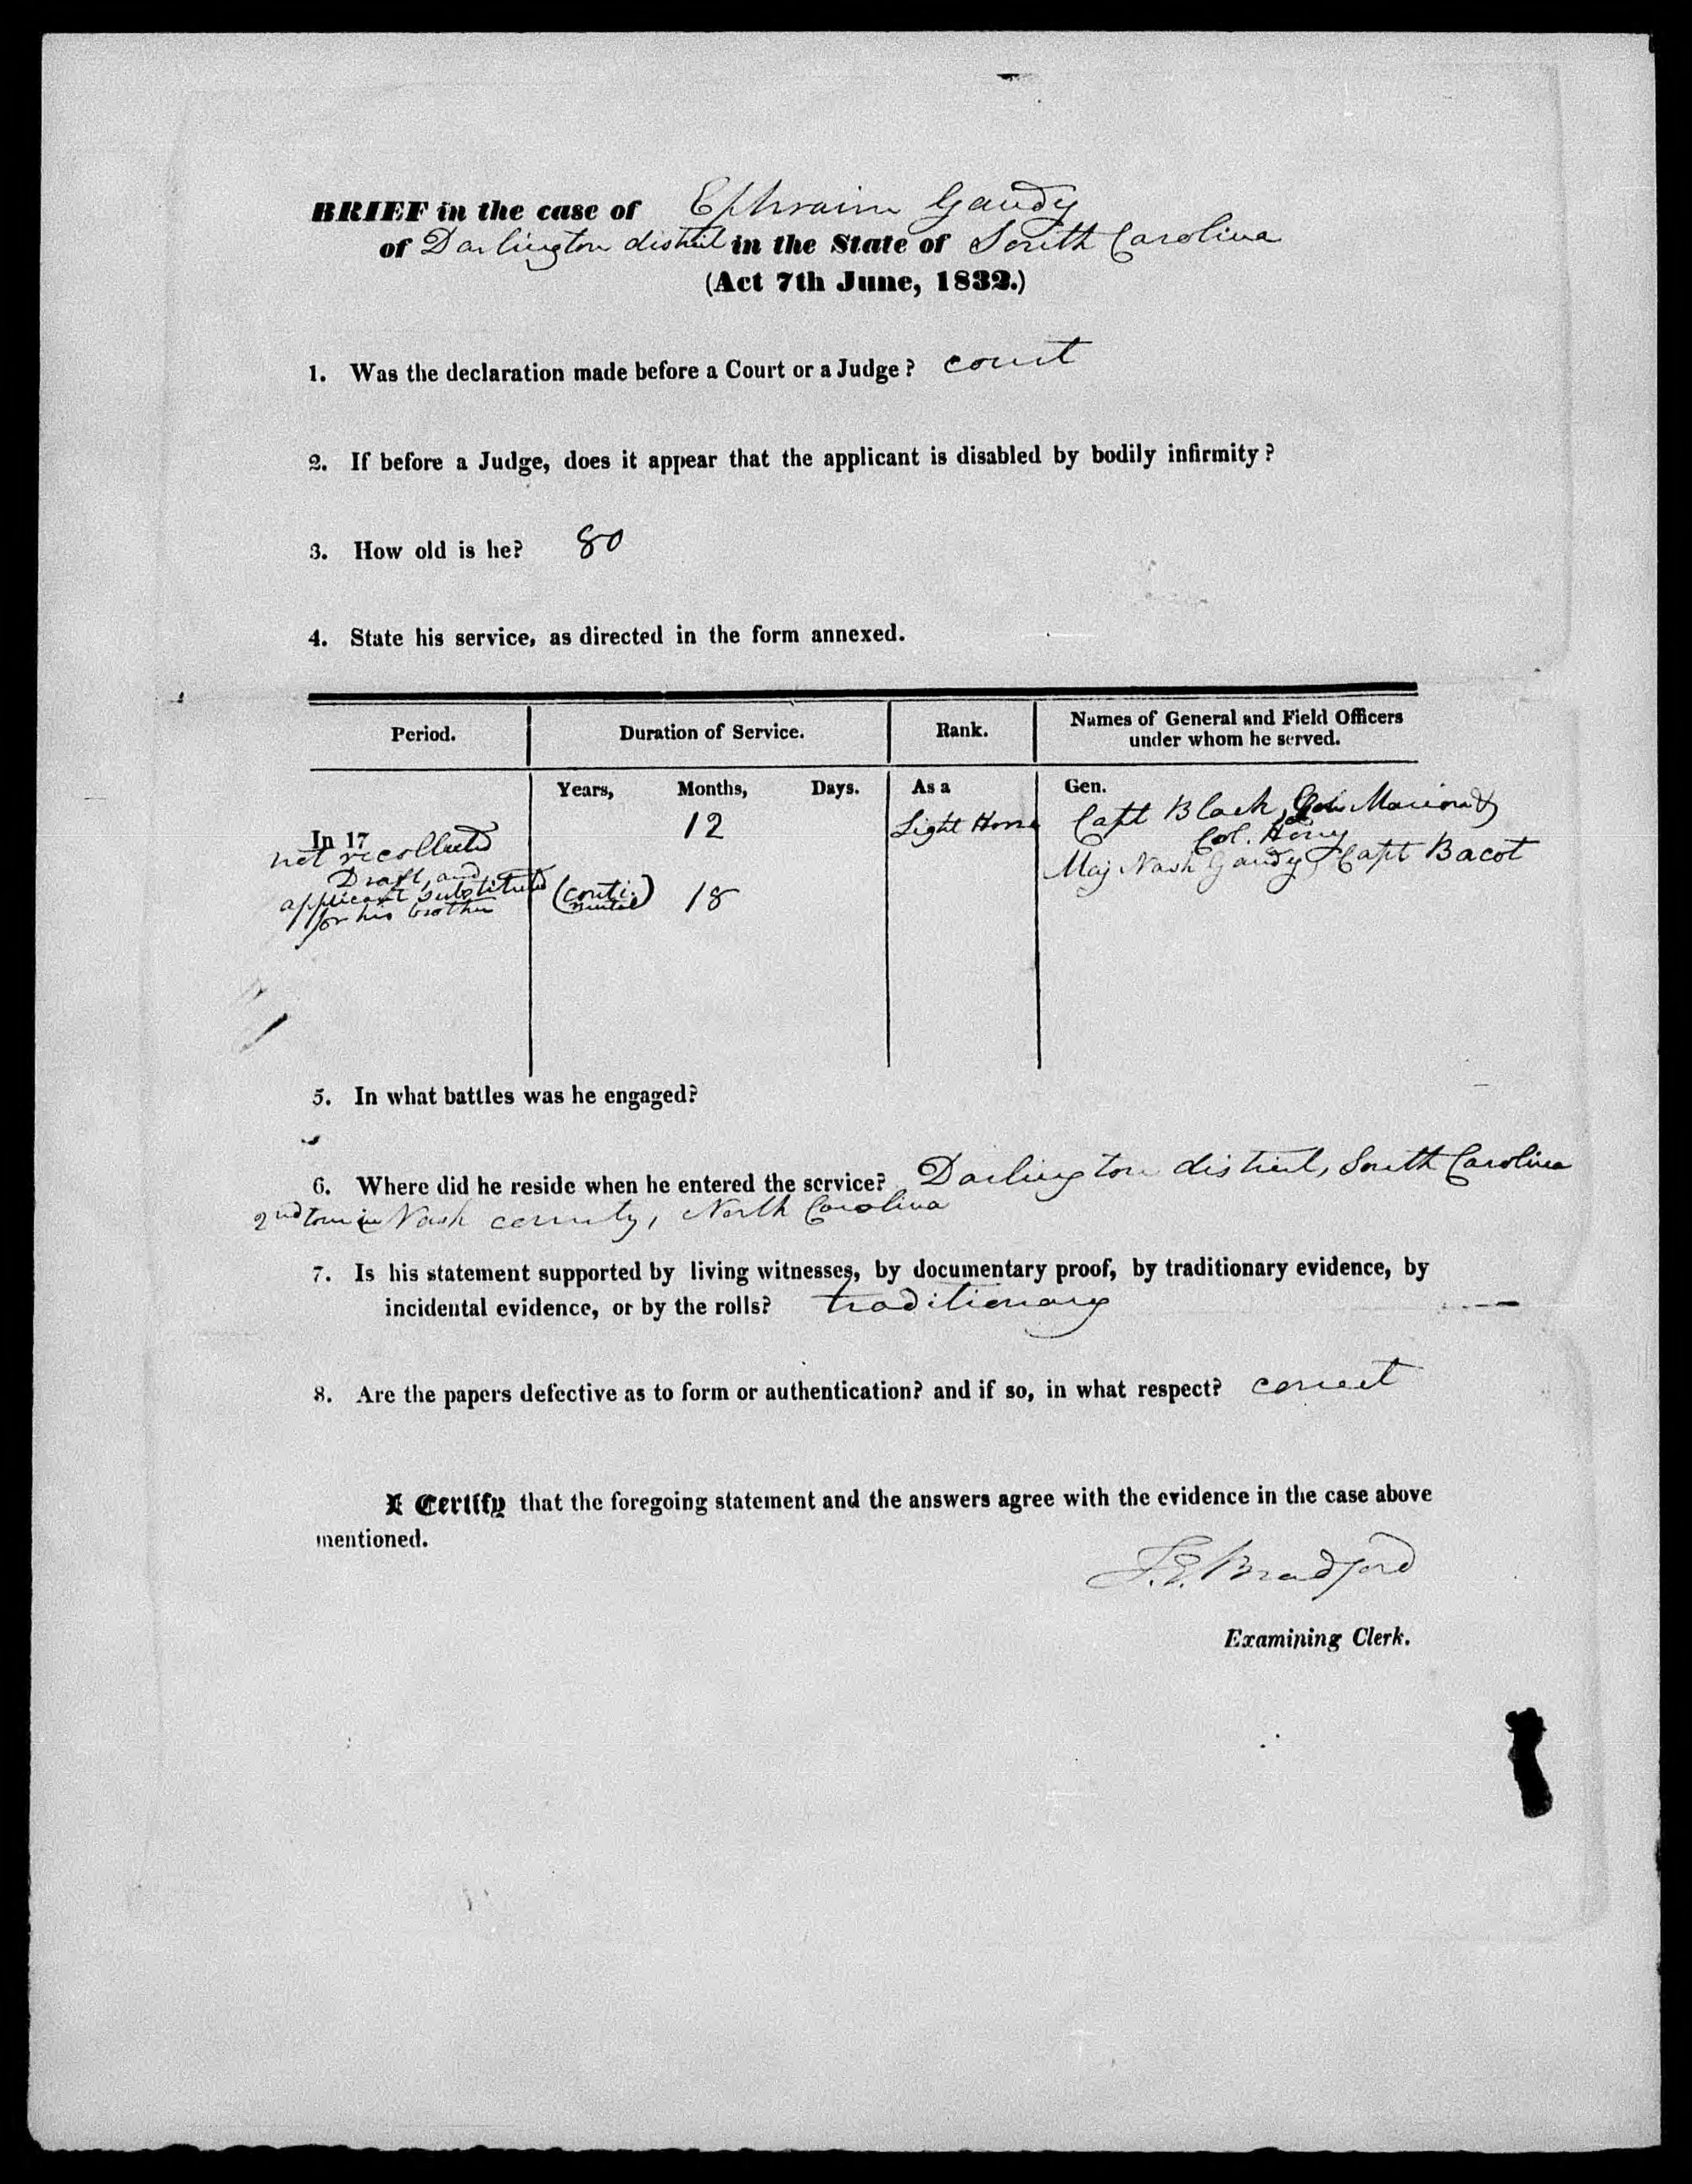BRIEF in the case of Ephraim Gaudy
of Darlington Co   in the State of South Carolina
 (Act 7th June, 1832.)

1. Was the declaration made before a Court or a Judge?  court
2. If before a Judge, does it appear that the applicant is disabled by bodily infirmity?
3. How old is he? 80
4. State his service, as directed in the form annexed.

Period.                                            Duration                Rank.          Names of General and Field Officers
                                                       of Service .                                          under whom he served.
_______________________________________________________
 In 17.                                    Years,Months, Days.    As a                        Gen.
  Not recollected                                 12                    Light Horse      Capt  Black Col Marion
Draft and                                                                                                                  Col Horry
applicant Substituted                                                                               Maj Nash Gandy, Capt Becot
for his brother                                       18
(court [illegible]tal)

5. In what battles was he engaged?  

6. Where did he reside when he entered the service?  Darlington District, South Carolina

7. Is his statement supported by living witnesses, by documentary proof, by traditionary evidence, by incidental evidence, or by the rolls?    traditionary

8. Are the papers defective as to form or authentication? and if so, in what respect ? correct

X Certify that the foregoing statement and the answers agree with the evidence in the case above mentioned.

J E Bradford

Examining Clerk.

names: Bacot, Black, Marion, Ephraim Gaudy, Nash Gaudy, Horry, J E Bradford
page: 11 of 12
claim: survivor's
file: S. 17971, Ephraim Gaudy, N.C. S.C.